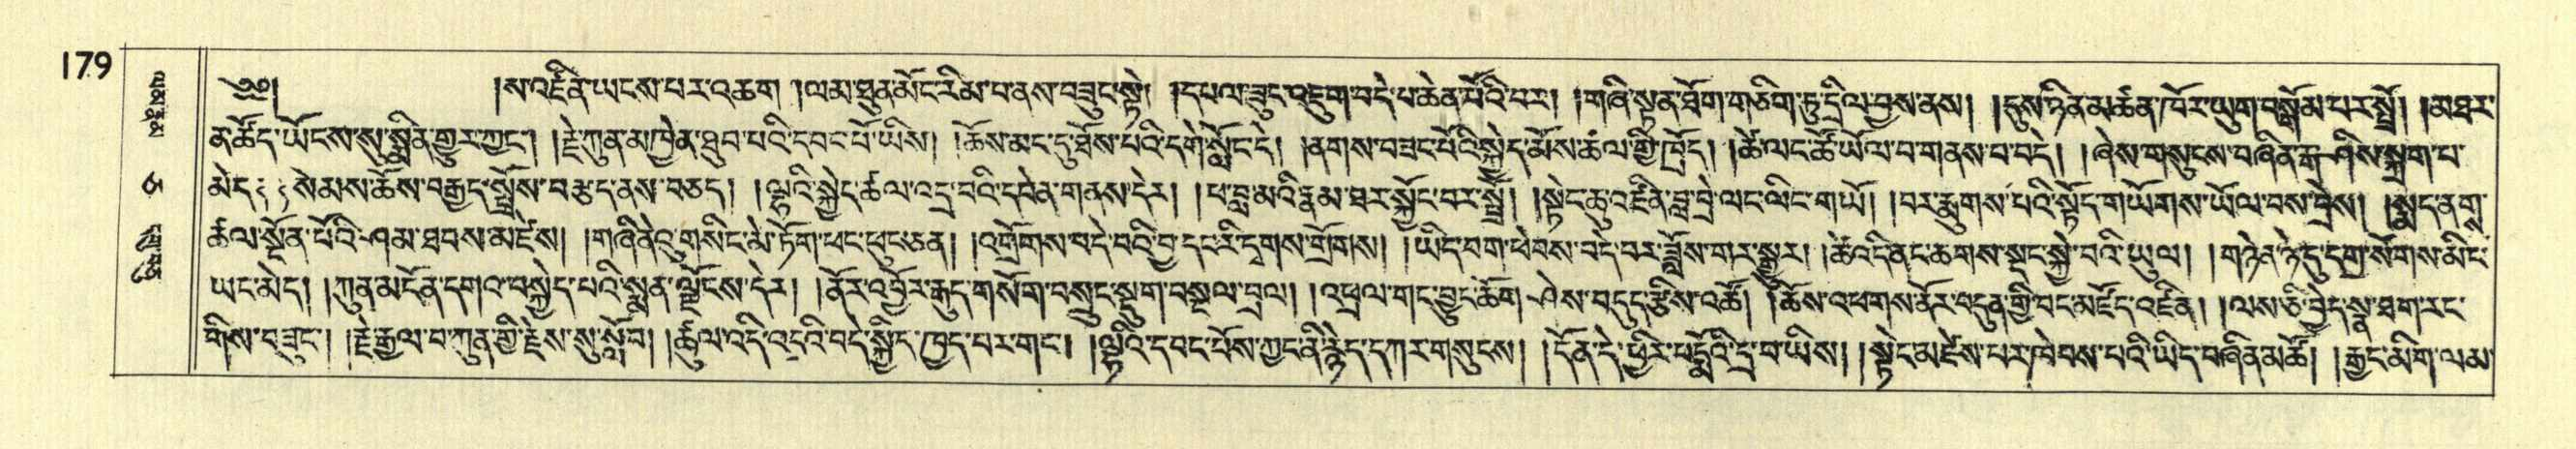༄༅། །ས་འཛིན་ཡངས་པར་འཆག། ལམ་ཐུན་མོང་རིམ་པ་ནས་བཟུང་སྟེ། །དཔལ་ཟུང་འཇུག་བདེ་པ་ཆེན་པོའི་པར། །གཞི་སྟན་ཐོག་གཅིག་ཏུ་དྲིལ་བྱས་ནས། །དུས་ཉིན་མཚན་ཁོར་ཡུག་བསྒོམ་པར་སྤྲོ། །མཐར་
ན་ཚོད་ཡོངས་སུ་སྨིན་གྱུར་ཀྱང་། །རྗེ་ཀུན་མཁྱེན་ཐུབ་པའི་དབང་པོ་ཡིས། །ཆོས་མང་དུ་ཐོས་པའི་དགེ་སློང་དེ། །ནགས་བཟང་པོའི་སྐྱེད་མོས་ཚལ་གྱི་ཁྲོད། །ཚེ་ལང་ཚོ་ཡོལ་བ་གནས་པ་བདེ། །ཞེས་གསུངས་བཞིན་རྒ་ཤིས་སྐྲག་པ་
མེད༑ ༑སེམས་ཆོས་བརྒྱད་སྤྲོས་བརྩད་ནས་བཅད། །ལྷའི་སྐྱེད་ཚལ་འདྲ་བའི་དབེན་གནས་དེར། །ཕ་བླ་མའི་རྣམ་ཐར་སྐྱོང་བར་སྤྲོ། །སྟེང་ཆུ་འཛིན་བླ་བྲེ་ལང་ལིང་གཡོ། །བར་རྨུགས་པའི་སྟོད་གཡོགས་ཡོལ་བས་བྲེས། །སྨད་ནགས་
ཚལ་སྔོན་པོའི་ཤམ་ཐབས་མཛེས། །གཞི་ནེའུ་གསིང་མེ་ཏོག་ཕང་ཕུང་ཅན། །འགྲོགས་བདེ་བའི་བྱ་དང་རི་དྭགས་གྲོགས། །ཡིད་བག་ཕེབས་བདེ་བར་ཟློས་གར་སྒྱུར། །ཚེ་འདི་ནང་ཆགས་སྡང་སྐྱེ་བའི་ཡུལ། །གཉེན་ཉེ་དུ་དགྲ་སོགས་མིང་
སྡང་སྐྱེ་བའི་ཡུལ། །གཉེན་ཉེ་དུ་དགྲ་སོགས་མིང་ཡང་མེད། འབྱོར་རྒུད་གསོག་བསྲུང་སྡུག་བསྔལ་བྲལ། །འཕྲལ་གང་བྱུང་ཆོག་ཤེས་བདུད་རྩིས་འཚོ། །ཆོས་འཕགས་ནོར་བདུན་གྱི་བང་མཛོད་འཛིན། །ལས་ཅི་བྱེད་སྣ་ཐག་རང་
གིས་བཟུང་། །རྗེ་རྒྱལ་བ་ཀུན་གྱི་རྗེས་སུ་སློབ། །ཚུལ་འདི་འདྲའི་བདེ་སྐྱིད་ཁྱད་པར་གང་། །ལྷའི་དབང་པོས་ཀྱང་ནི་རྙེད་དཀར་གསུངས། །དོན་དེ་ཕྱིར་པདམོའི་དྲ་བ་ཡིས། །སྟེང་མཛེས་པར་ཁེབས་པའི་ཡིད་བཞིན་མཚོ། །རྒྱང་མིག་ལམ་